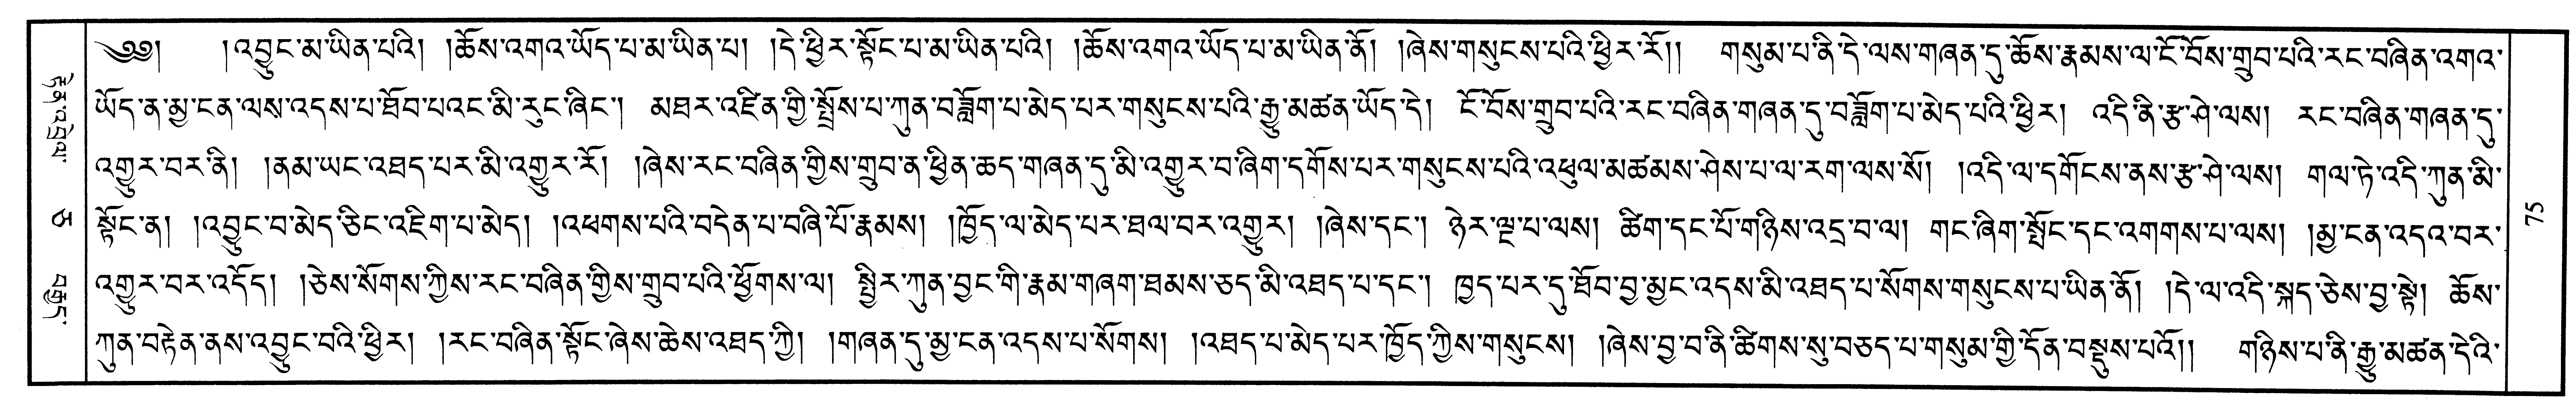༄༅། །འབྱུང་མ་ཡིན་པའི། །ཆོས་འགའ་ཡོད་པ་མ་ཡིན་པ། །དེ་ཕྱིར་སྟོང་པ་མ་ཡིན་པའི། །ཆོས་འགའ་ཡོད་པ་མ་ཡིན་ནོ། །ཞེས་གསུངས་པའི་ཕྱིར་རོ།། གསུམ་པ་ནི་དེ་ལས་གཞན་དུ་ཆོས་རྣམས་ལ་ངོ་བོས་གྲུབ་པའི་རང་བཞིན་འགའ་
ཡོད་ན་མྱ་ངན་ལས་འདས་པ་ཐོབ་པའང་མི་རུང་ཞིང་། མཐར་འཛིན་གྱི་སྤྲོས་པ་ཀུན་བཟློག་པ་མེད་པར་གསུངས་པའི་རྒྱུ་མཚན་ཡོད་དེ། ངོ་བོས་གྲུབ་པའི་རང་བཞིན་གཞན་དུ་བཟློག་པ་མེད་པའི་ཕྱིར། འདི་ནི་རྩ་ཤེ་ལས། རང་བཞིན་གཞན་དུ་
འགྱུར་བར་ནི། །ནམ་ཡང་འཐད་པར་མི་འགྱུར་རོ། །ཞེས་རང་བཞིན་གྱིས་གྲུབ་ན་ཕྱིན་ཆད་གཞན་དུ་མི་འགྱུར་བ་ཞིག་དགོས་པར་གསུངས་པའི་འཕུལ་མཚམས་ཤེས་པ་ལ་རག་ལས་སོ། །འདི་ལ་དགོངས་ནས་རྩ་ཤེ་ལས། གལ་ཏེ་འདི་ཀུན་མི་
སྟོང་ན། །འབྱུང་བ་མེད་ཅིང་འཇིག་པ་མེད། །འཕགས་པའི་བདེན་པ་བཞི་པོ་རྣམས། །ཁྱོད་ལ་མེད་པར་ཐལ་བར་འགྱུར། །ཞེས་དང་། ཉེར་ལྔ་པ་ལས། ཚིག་དང་པོ་གཉིས་འདྲ་བ་ལ། གང་ཞིག་སྤོང་དང་འགགས་པ་ལས། །མྱ་ངན་འདའ་བར་
འགྱུར་བར་འདོད། །ཅེས་སོགས་ཀྱིས་རང་བཞིན་གྱིས་གྲུབ་པའི་ཕྱོགས་ལ། སྤྱིར་ཀུན་བྱང་གི་རྣམ་གཞག་ཐམས་ཅད་མི་འཐད་པ་དང་། ཁྱད་པར་དུ་ཐོབ་བྱ་མྱང་འདས་མི་འཐད་པ་སོགས་གསུངས་པ་ཡིན་ནོ། །དེ་ལ་འདི་སྐད་ཅེས་བྱ་སྟེ། ཆོས་
ཀུན་བརྟེན་ནས་འབྱུང་བའི་ཕྱིར། །རང་བཞིན་སྟོང་ཞེས་ཆེས་འཐད་ཀྱི། །གཞན་དུ་མྱ་ངན་འདས་པ་སོགས། །འཐད་པ་མེད་པར་ཁྱོད་ཀྱིས་གསུངས། །ཞེས་བྱ་བ་ནི་ཚིགས་སུ་བཅད་པ་གསུམ་གྱི་དོན་བསྡུས་པའོ། །གཉིས་པ་ནི་རྒྱུ་མཚན་དེའི་